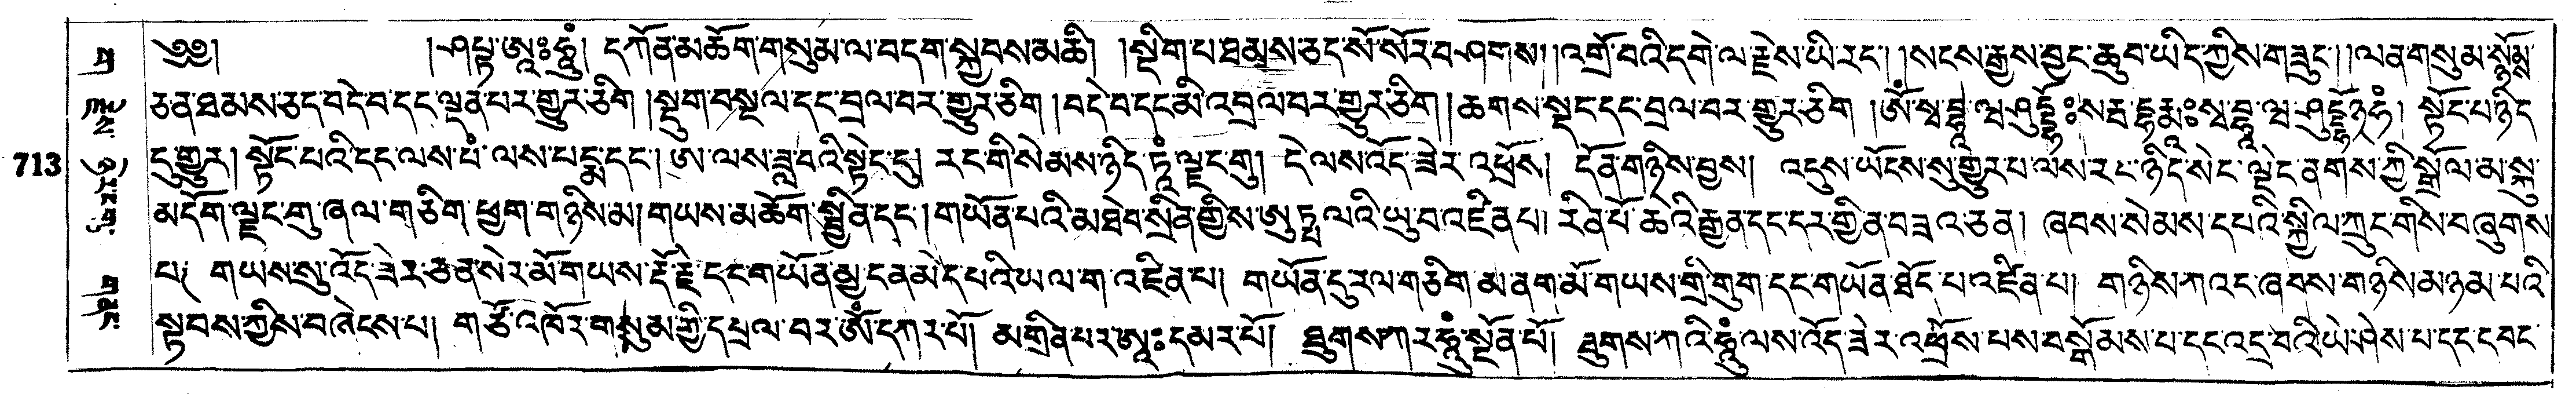༄༅། །ཤཔྟ་ཨཱཿ ཧཱུཾ། དཀོན་མཆོག་གསུམ་ལ་བདག་སྐྱབས་མཆི། །སྡིག་པ་ཐམས་ཅད་སོ་སོར་བཤགས། །འགྲོ་བའི་དགེ་ལ་རྗེས་ཡི་རང་། །སངས་རྒྱས་བྱང་ཆུབ་ཡིད་ཀྱིས་གཟུང་། །ལན་གསུམ་སྙོམས་
ཅན་ཐམས་ཅད་བདེ་བ་དང་ལྡན་པར་གྱུར་ཅིག །སྡུག་བསྔལ་དང་བྲལ་བར་གྱུར་ཅིག །བདེ་བ་དང་མི་འབྲལ་བར་གྱུར་ཅིག །ཆགས་སྡང་དང་བྲལ་བར་གྱུར་ཅིག །ཨོཾ་སྭཱ་བྷཱ་ཝ་ཤུ་དྡྷོཿ སརྦ་དྷརྨཿ སྭ་བྷཱ་ཝ་ཤུདྡྷོ་ཉཧཾ། སྟོང་པ་ཉིད་
དུ་གྱུར། སྟོང་པའི་ངང་ལས་པཾ་ལས་པདམ་དང་། ཨ་ལས་ཟླ་བའི་སྟེང་དུ། རང་གི་སེམས་ཉིད་ཏཱཾ་ལྗང་གུ། དེ་ལས་འོད་ཟེར་འཕྲོས། དོན་གཉིས་བྱས། འདུས་ཡོངས་སུ་གྱུར་པ་ལས་རང་ཉིད་སེང་ལྡེང་ནགས་ཀྱི་སྒྲོལ་མ་སྐུ་
མདོག་ལྗང་གུ་ཞལ་གཅིག་ཕྱག་གཉིས་མ། གཡས་མཆོག་སྦྱིན་དང་། གཡོན་པའི་མཐེབ་སྲིན་གྱིས་ཨུཏྤལའི་ཡུ་བ་འཛིན་པ། རིན་པོ་ཆེའི་རྒྱན་དང་དར་གྱི་ན་བཟའ་ཅན། ཞབས་སེམས་དཔའི་སྐྱིལ་ཀྲུང་གིས་བཞུགས་
པ༑ གཡས་སུ་འོད་ཟེར་ཅན་སེར་མོ་གཡས་རྡོ་རྗེ་དང་གཡོན་མྱ་ངན་མེད་པའི་ཡལ་ག་འཛིན་པ། གཡོན་དུ་རལ་གཅིག་མ་ནག་མོ་གཡས་གྲི་གུག་དང་གཡོན་ཐོད་པ་འཛིན་པ། གཉིས་ཀའང་ཞབས་གཉིས་མཉམ་པའི་
སྟབས་ཀྱིས་བཞེངས་པ། གཙོ་འཁོར་གསུམ་གྱི་དཔྲལ་བར་ཨོཾ་དཀར་པོ། མགྲིན་པར་ཨཱཿ དམར་པོ། ཐུགས་ཀར་ཧཱུཾ་སྔོན་པོ། ཐུགས་ཀའི་ཧཱུཾ་ལས་འོད་ཟེར་འཕྲོས་པས་བསྒོམས་པ་དང་འདྲ་བའི་ཡེ་ཤེས་པ་དང་དབང་